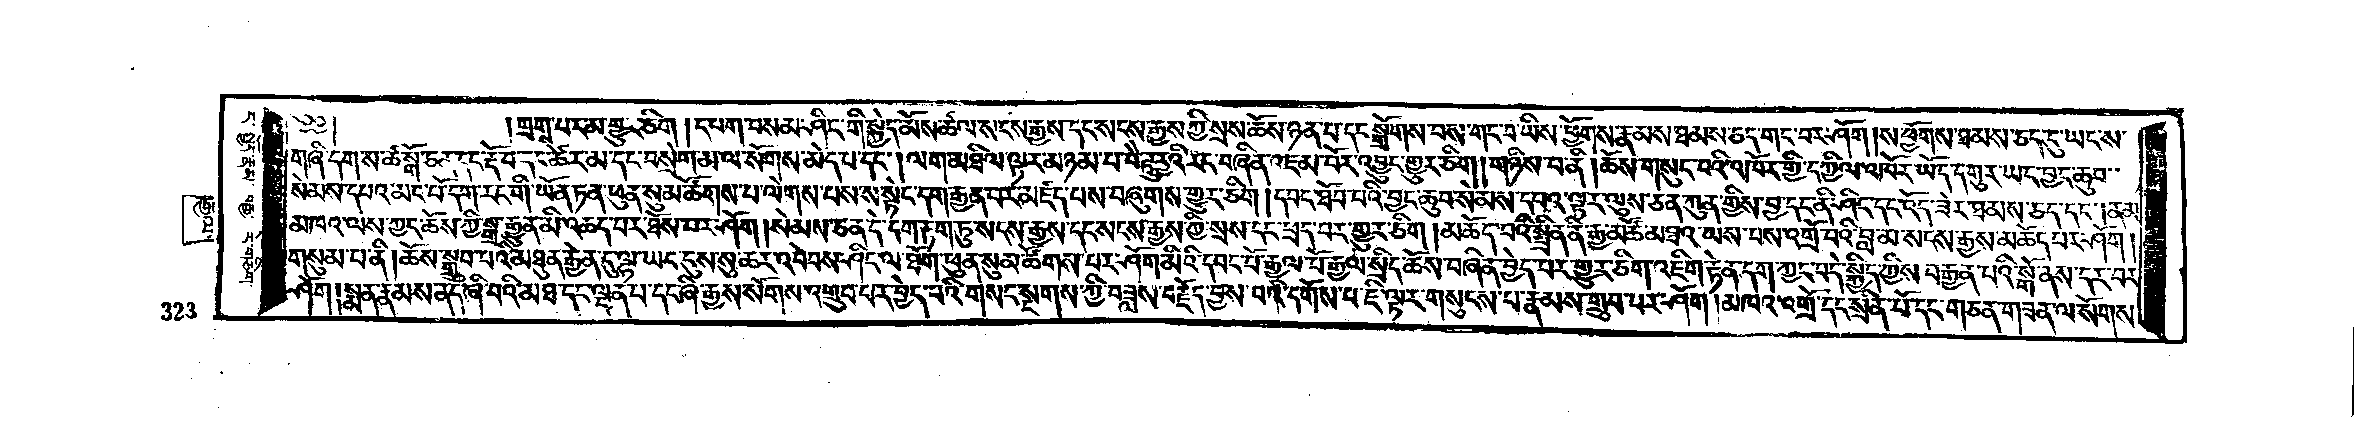༄༅། །གྲགས་པར་མ་གྱུར་ཅིག །དཔག་བསམ་ཤིང་གི་སྐྱེད་མོས་ཚལ་སངས་རྒྱས་དང་སངས་རྒྱས་ཀྱི་སྲས་ཆོས་ཉན་པ་དང་སྒྲོགས་པས་གང་བ་ཡིས་ཕྱོགས་རྣམས་ཐམས་ཅད་གང་བར་ཤོག །ས་ཕྱོགས་ཐམས་ཅད་དུ་ཡང་ས་
གཞི་དག་ས་ཚ་སྒོ་ཅན་དང་རྡོ་བ་དང་ཚེར་མ་དང་བསྲེག་མ་ལ་སོགས་མེད་པ་དང་། ལག་མཐིལ་ལྟར་མཉམ་པ་བཻ་ཌཱུ་རྱའི་རང་བཞིན་འཇམ་པོར་འབྱུང་གྱུར་ཅིག །གཉིས་པ་ནི། ཆོག་གསུང་བའི་འཁོར་གྱི་དཀྱིལ་འཁོར་ཡོད་དགུར་ཡང་བྱང་ཆུབ་
སེམས་དཔའ་མང་པོ་དག་རང་གི་ཡོན་ཏན་ཕུན་སུམ་ཚོགས་པ་ལེགས་པས་ས་སྟེང་དག་རྒྱན་པར་མཛད་པས་བཞུགས་གྱུར་ཅིག །དབང་ཐོབ་པའི་བྱང་ཆུབ་སེམས་དཔའ་ལྟར་ལུས་ཅན་ཀུན་གྱིས་བྱ་དང་ནི་ཤིང་དང་འོད་ཟེར་ཐམས་ཅད་དང་། ནམ་
མཁའ་ལས་ཀྱང་ཆོས་ཀྱི་སྒྲ་རྒྱུན་མི་འཆད་པར་ཐོས་པར་ཤོག །སེམས་ཅན་དེ་དག་རྟག་ཏུ་སངས་རྒྱས་དང་སངས་རྒྱས་ཀྱི་སྲས་དང་ཕྲད་པར་གྱུར་ཅིག །མཆོད་པའི་སྤྲིན་ནི་རྒྱ་མཚོ་མཐའ་ཡས་པས་འགྲོ་བའི་བླ་མ་སངས་རྒྱས་མཆོད་པར་ཤོག །
གསུམ་པ་ནི། ཆོས་སྒྲུབ་པའི་མཐུན་རྐྱེན་དུ་ལྷ་ཡང་དུས་སུ་ཆར་འབེབས་ཤིང་ལ་ཐོག་ཕུན་སུམ་ཚོགས་པར་ཤོག་མིའི་དབང་པོ་རྒྱལ་པོ་རྒྱལ་སྲིད་ཆོས་བཞིན་བྱེད་པར་གྱུར་ཅིག་འཇིག་རྟེན་དག་ཀྱང་བདེ་སྐྱིད་ཀྱིས་བརྒྱན་པའི་སྒོ་ནས་དར་བར་
ཤོག ༑སྨན་རྣམས་ནད་ཞི་བའི་མཐུ་དང་ལྡན་པ་དང་ཞི་རྒྱས་སོགས་འགྲུབ་པར་བྱེད་པའི་གསང་སྔགས་ཀྱི་བཟླས་བརྗོད་བྱས་པའི་དགོས་པ་ཇི་ལྟར་གསུངས་པ་རྣམས་གྲུབ་པར་ཤོག །མཁའ་འགྲོ་དང་སྲིན་པོ་དང་གཅན་གཟན་ལ་སོགས་